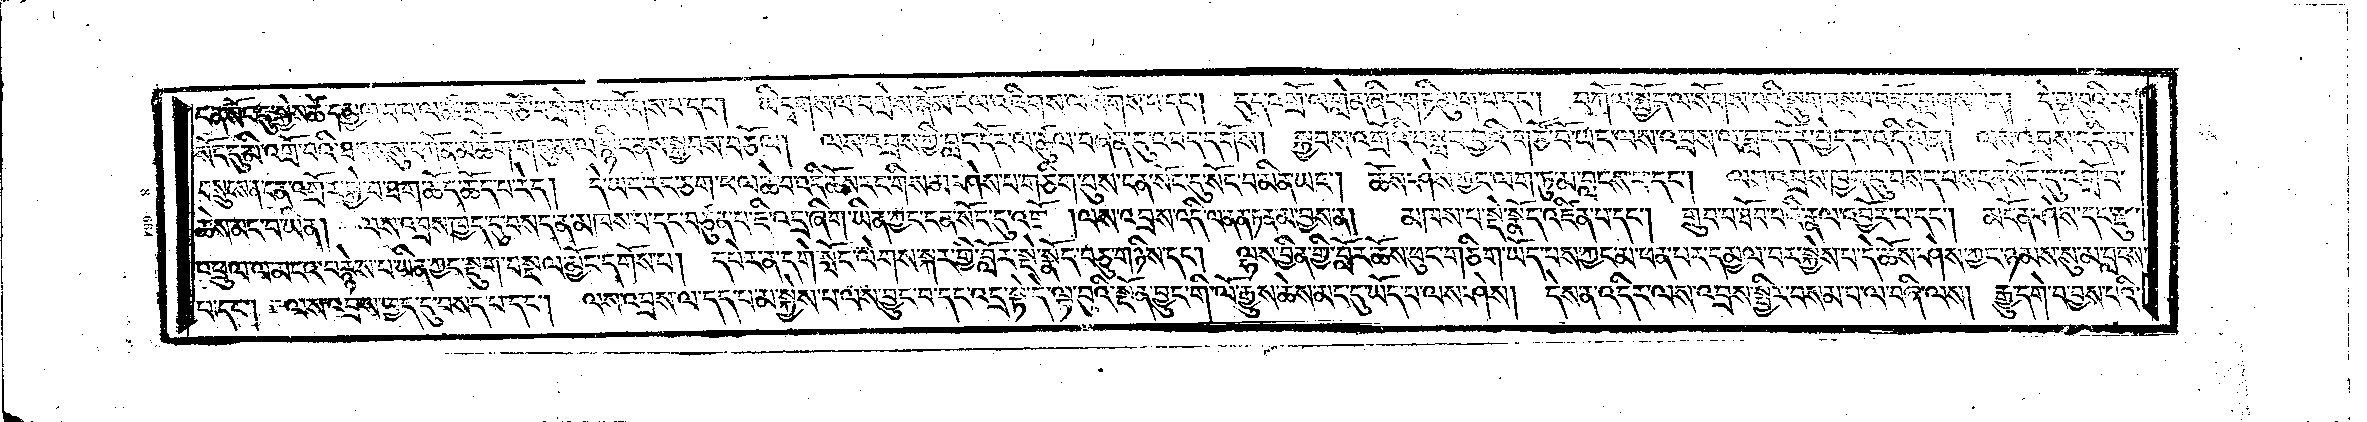ངན་སོང་དུ་སྐྱེས་ཚེ་དམྱལ་བ་པ་ལ་ཚ་གྲང་བཙོ་བསྲེག་ལ་སོགས་པ་དང་། ཡི་དྭགས་ལ་བཀྲེས་སྐོམ་ངལ་འཇིགས་ལ་སོགས་པ་དང་། དུད་འགྲོ་ལ་གླེན་ཞིང་གཏི་མུག་པ་དང་། བཀོལ་སྤྱོད་ལ་སོགས་པའི་སྡུག་བསྔལ་བཟོད་གླགས་མེད། དེ་ལྟ་བུའི་ངན་
སོང་དུ་མི་འགྲོ་བའི་ཐབས་སུ་དཀོན་མཆོག་གསུམ་ལ་སྙིང་ནས་སྐྱབས་བཅོལ། ལས་འབྲས་ཀྱི་བླང་དོར་ལ་ཚུལ་བཞིན་དུ་འབད་དགོས། སྐྱབས་འགྲོའི་བསླབ་བྱའི་གཙོ་བོ་ཡང་ལས་འབྲས་ལ་བླང་དོར་བྱེད་པ་འདི་ཡིན། ལས་འབྲས་འདི་མ་
བསྲུངས་ན་ངན་འགྲོར་སྐྱེ་བ་ཐག་ཆོད་ཆོད་པ་རེད། དེ་ཡང་རང་ཅག་ཕལ་ཆེ་བ་འདི་ཆོས་རང་གིས་མ་ཤེས་པ་གཅིག་པུས་ངན་སོང་དུ་སོང་བ་མིན་ཡང་། ཆོས་ཤེས་ཀྱང་ལག་ཏུ་མ་བླངས་པ་དང་། ལས་འབྲས་ཁྱད་དུ་བསད་པས་ངན་སོང་དུ་འགྲོ་བ་
ཆེས་མང་བ་ཡིན། ལས་འབྲས་ཁྱད་དུ་བསད་ན་མཁས་པ་དང་བཙུན་པ་ཇི་འདྲ་ཞིག་ཡིན་ཀྱང་ངན་སོང་དུ་འགྲོ་།ལས་འབྲས་འདི་ལ་ནན་ཏན་མ་བྱས་ན། མཁས་པ་སྡེ་སྣོད་འཛིན་པ་དང་། གྲུབ་པ་ཐོབ་པའི་རྣལ་འབྱོར་པ་དང་། མངོན་ཤེས་དང་རྫུ་
འཕྲུལ་ལ་མངའ་བརྙེས་པ་ཡིན་ཀྱང་སྡུག་བསྔལ་མྱོང་དགོས་པ། དཔེར་ན་དགེ་སློང་ལེགས་སྐར་གྱི་བློར་སྡེ་སྣོད་བཅུ་གཉིས་དང་། ལྷས་བྱིན་གྱི་བློར་ཆོས་ཕུང་གཅིག་ཡོད་པས་ཀྱང་མ་ཕན་པར་དམྱལ་བར་སྐྱེས་པ་དེ་ཆོས་ཤེས་ཀྱང་ཉམས་སུ་མ་བླངས་
པ་དང་། ལས་འབྲས་ཁྱད་དུ་བསད་པ་དང་། ལས་འབྲས་ལ་དད་པ་མ་སྐྱེས་པ་ལས་བྱུང་བ་དང་འདྲ་སྟེ་དེ་ལྟ་བུའི་སྔོན་བྱུང་གི་ལོ་རྒྱུས་ཆེས་མང་དུ་ཡོད་པ་ལས་ཤེས། དེས་ན་འདིར་ལས་འབྲས་སྤྱིར་བསམ་པ་ལ་བཞི་ལས། རྒྱུ་དགེ་བ་བྱས་པའི་